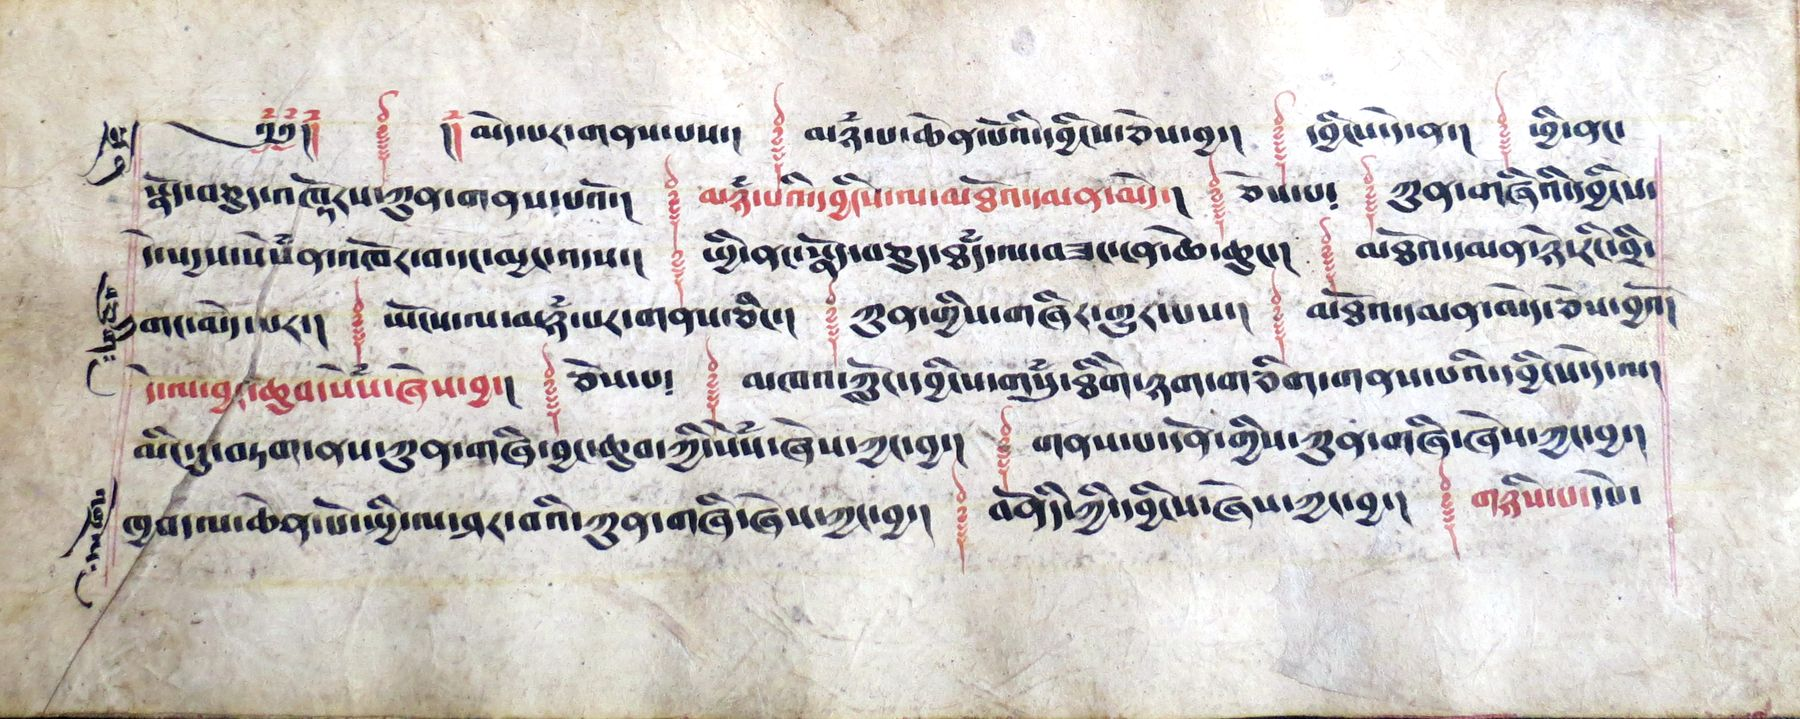མེད་པར་གནས་པས། མཉམ་པ་ཆེན་པོའི་དབྱིངས་ཞེས་བྱ། དབྱིངས་དེ་ན་ཕྱི་ནང་
སྣོད་བཅུད་འཁོར་འདས་ཀུན་གནས་པའོ། །མཉམ་པའི་དབྱིངས་ལ་མཐོ་དམན་མེད། །ཅེས་པས་ཀུན་གཞིའི་དབྱིངས་
དེ་སངས་རྒྱས་སེམས་ཅན་འཁོར་བ་དང་མྱང་འདས། ཕྱི་ནང་སྣོད་བཅུད་ཐམས་ཅད་ལ་བཟང་ངན་ཆེ་ཆུང་མཐོ་དམན་ཉེ་རིང་བྲི་
གང་མེད་པར། ཡོངས་ལ་མཉམ་པར་གནས་ཤིང་། ཀུན་ཀྱི་གཞིར་གྱུར་པས་མཐོ་དམའ་མེད་ཅེས་བྱའོ། །
དེ་ལ་བྱང་ཆུབ་སེམས་ཞེས་བྱ་ཞེས་པས། མཁའ་ཀློང་དབྱིངས་གསུམ་ཐིག་ལེ་ཉག་གཅིག་ཏུ་གནས་པའི་དབྱིངས་དེ་ལ། 
མིང་དུ་བཏགས་ན་ཀུན་གཞི་བྱང་ཆུབ་ཀྱི་སེམས་ཞེས་ཀྱང་བྱ། གནས་པ་དོན་གྱི་ཀུན་གཞི་ཞེས་ཀྱང་བྱ། 
ཁྱབ་གདལ་ཆེན་པོ་སྤྱི་ལ་ཤར་བའི་ཀུན་གཞི་ཞེས་ཀྱང་བྱ། བོན་ཉིད་ཀྱི་དབྱིངས་ཞེས་ཀྱང་བྱའོ། །གཉིས་པ་དཔེ་